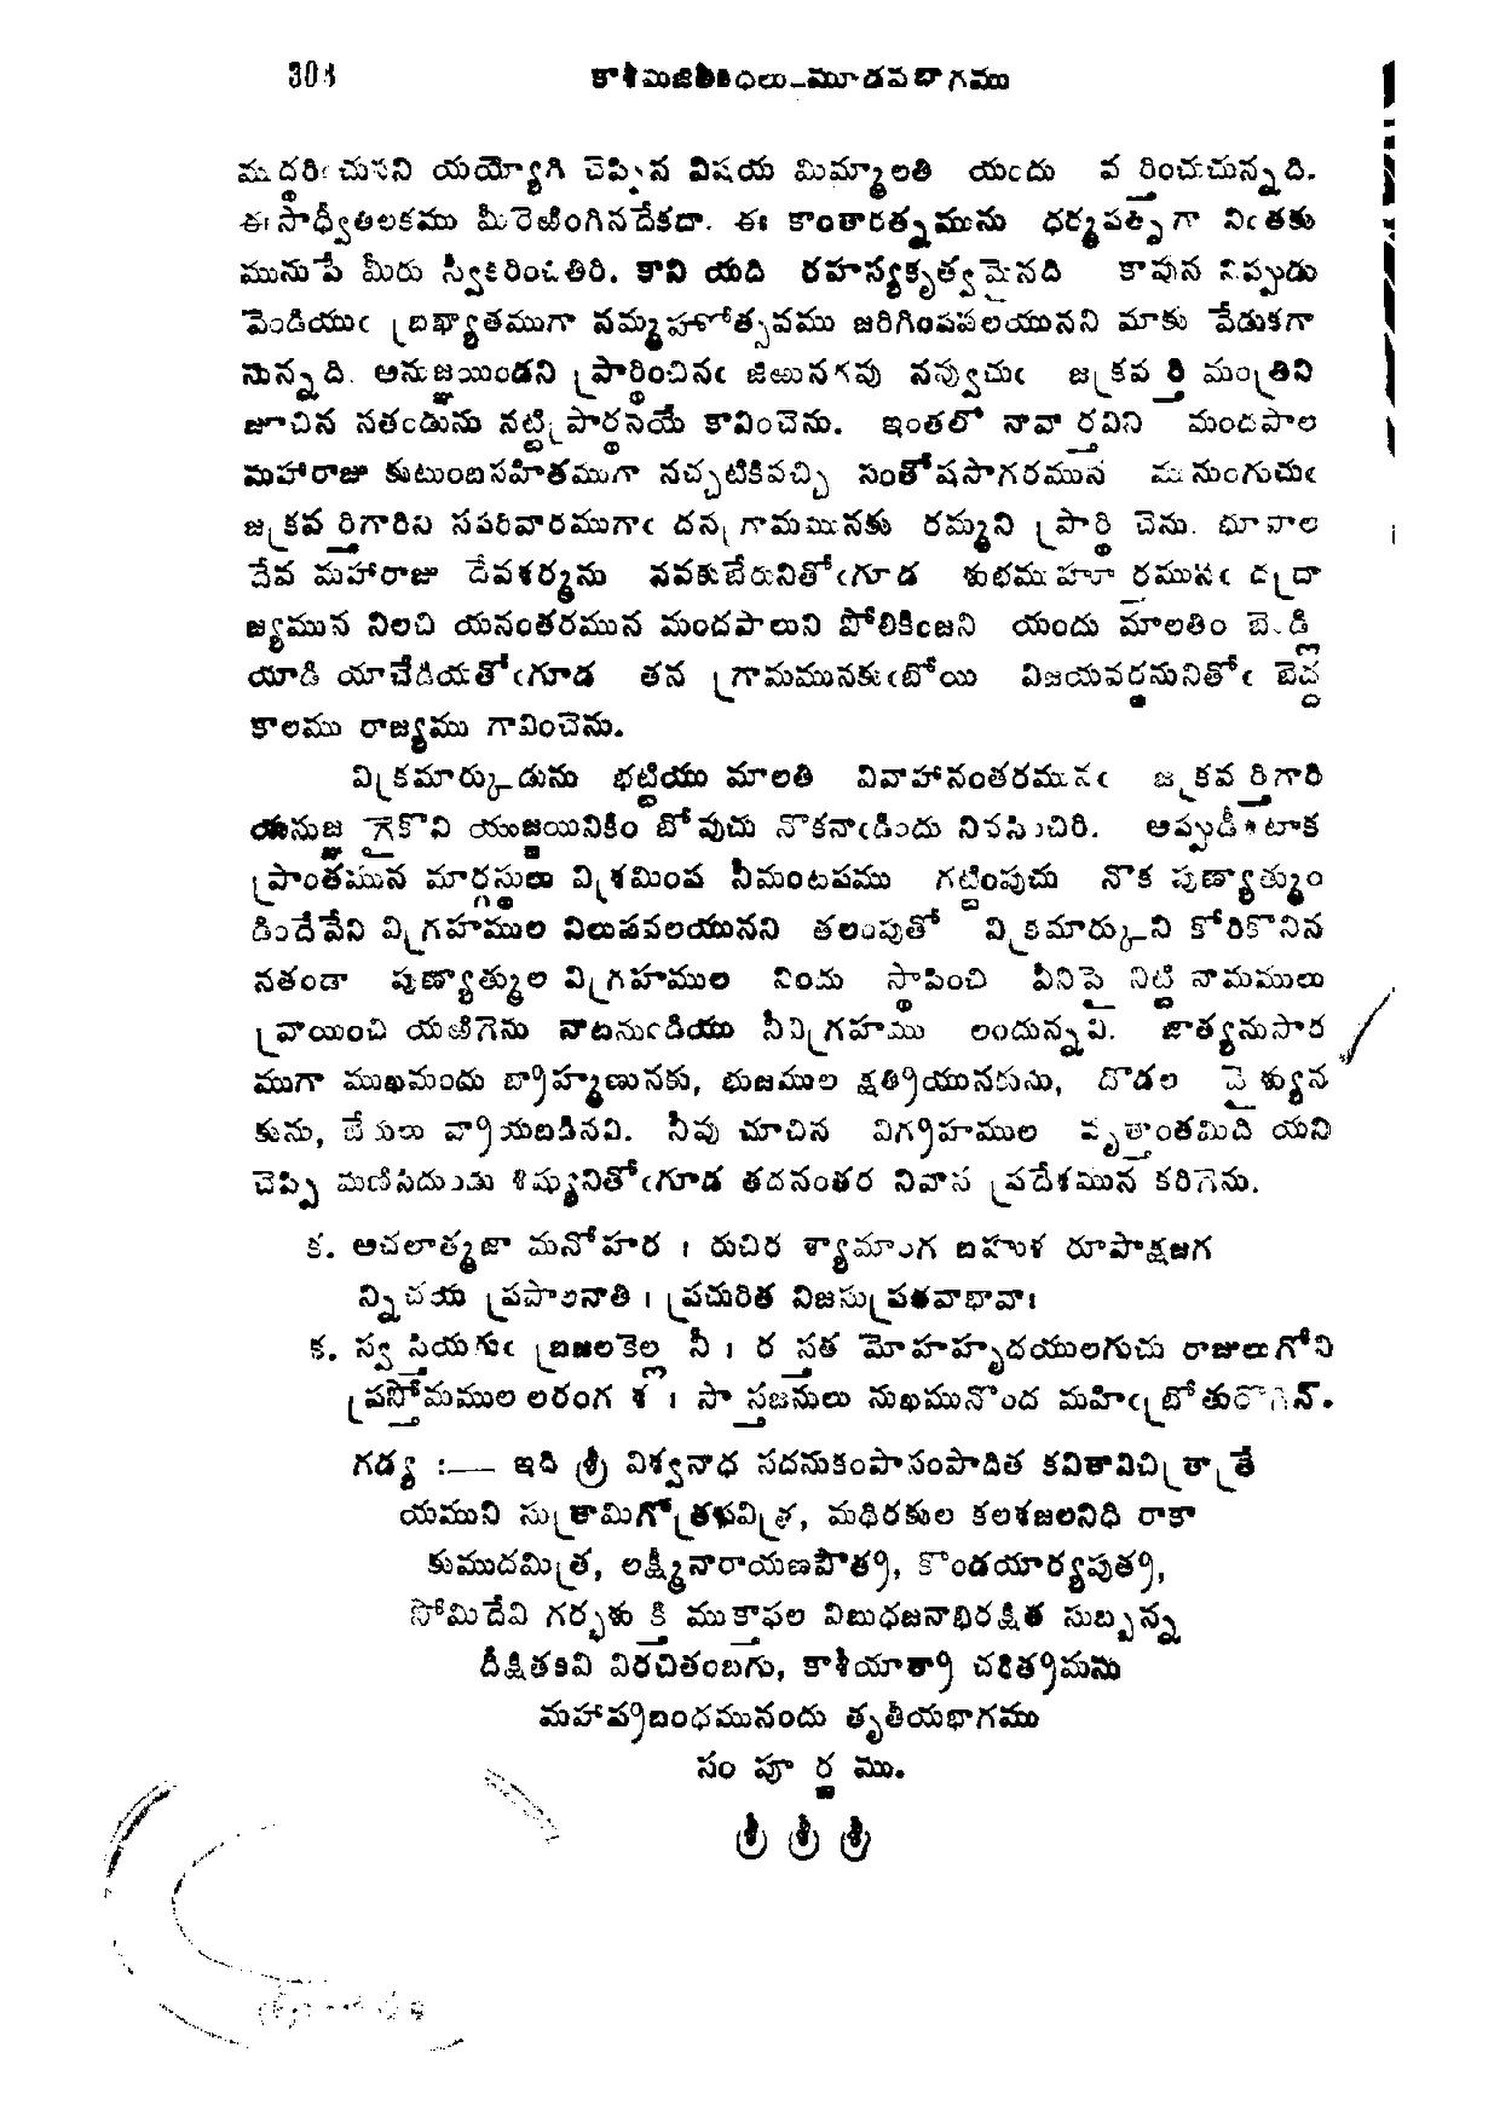ముద్దరించునని యయ్యోగి చెప్పిన విషయ మిమ్మాలతి యందు వర్తించుచున్నది. ఈ సాధ్వీతిలకము మీరెఱింగినదేకదా. ఈ కాంతారత్నమును ధర్మపత్నిగా నింతకు మునుపే మీరు స్వీకరించితిరి. కాని యది రహస్యకృత్వమైనది కావున నిప్పుడు వెండియుఁ బ్రఖ్యాతముగా నమ్మహోత్సవము జరిగింపవలయునని మాకు వేడుకగా నున్నది. అనుజ్ఞయిండని ప్రార్థించినఁ జిఱునగవు నవ్వుచుఁ జక్రవర్తి మంత్రిని జూచిన నతండును నట్టి ప్రార్థనయే కావించెను. ఇంతలో నావార్తవిని మందపాలమహారాజు కుటుంబసహితముగా నచ్చటికివచ్చి సంతోషసాగరమున మునుంగుచుఁ జక్రవర్తిగారిని సపరివారముగాఁ దనగ్రామమునకు రమ్మని ప్రార్థించెను. భూపాలదేవ మహారాజు దేవశర్మను నవకుబేరునితోఁగూడ శుభముహూర్తమునఁ దద్రాజ్యమున నిలచి యనంతరమున మందపాలుని పోలికింజని యందు మాలతిం బెండ్లి యాడి యాచేడియతోఁగూడ తన గ్రామమునకుఁబోయి విజయవర్ధనునితోఁ బెద్దకాలము రాజ్యము గావించెను.

విక్రమార్కుడును భట్టియు మాలతి వివాహానంతరమునఁ జక్రవర్తిగారి యనుజ్ఞ గైకొని యుజ్జయినికిం బోవుచు నొకనాఁడిందు నివసించిరి. అప్పుడీతటాక ప్రాంతమున మార్గస్తులు విశ్రమింప నీమంటపము గట్టింపుచు నొక పుణ్యాత్ముం డిందేవేని విగ్రహముల నిలుపవలయునని తలంపుతో విక్రమార్కుని కోరికొనిన నతండా పుణ్యాత్ముల విగ్రహముల నిందు స్థాపించి వీనిపై నిట్టి నామములు వ్రాయించి యఱిగెను నాటనుండియు నీవిగ్రహము లందున్నవి. జాత్యనుసారముగా ముఖమందు బాహ్మణునకు, భుజముల క్షత్రియునకును, దొడల వైశ్యునకును, బేరులు వ్రాయబడినవి. నీవు చూచిన విగ్రహముల వృత్తాంతమిది యని చెప్పి మణిసిద్దుండు శిష్యునితోఁగూడ తదనంతర నివాసప్రదేశమున కరిగెను.

క. అచలాత్మజా మనోహర | రుచిర శ్యామాంగ బహుళ రూపాక్షజగ
 న్నిచయ ప్రపాలనాతి | ప్రచురిత నిజసుప్రతవాభావా!

క. స్వస్తియగుఁ బ్రజలకెల్ల నీ | రస్తత మోహహృదయులగుచు రాజులుగోని
 ప్రస్తోమముల లరంగ శ| సాస్తజనులు సుఖమునొంద మహిఁబ్రోతురొగిన్ .